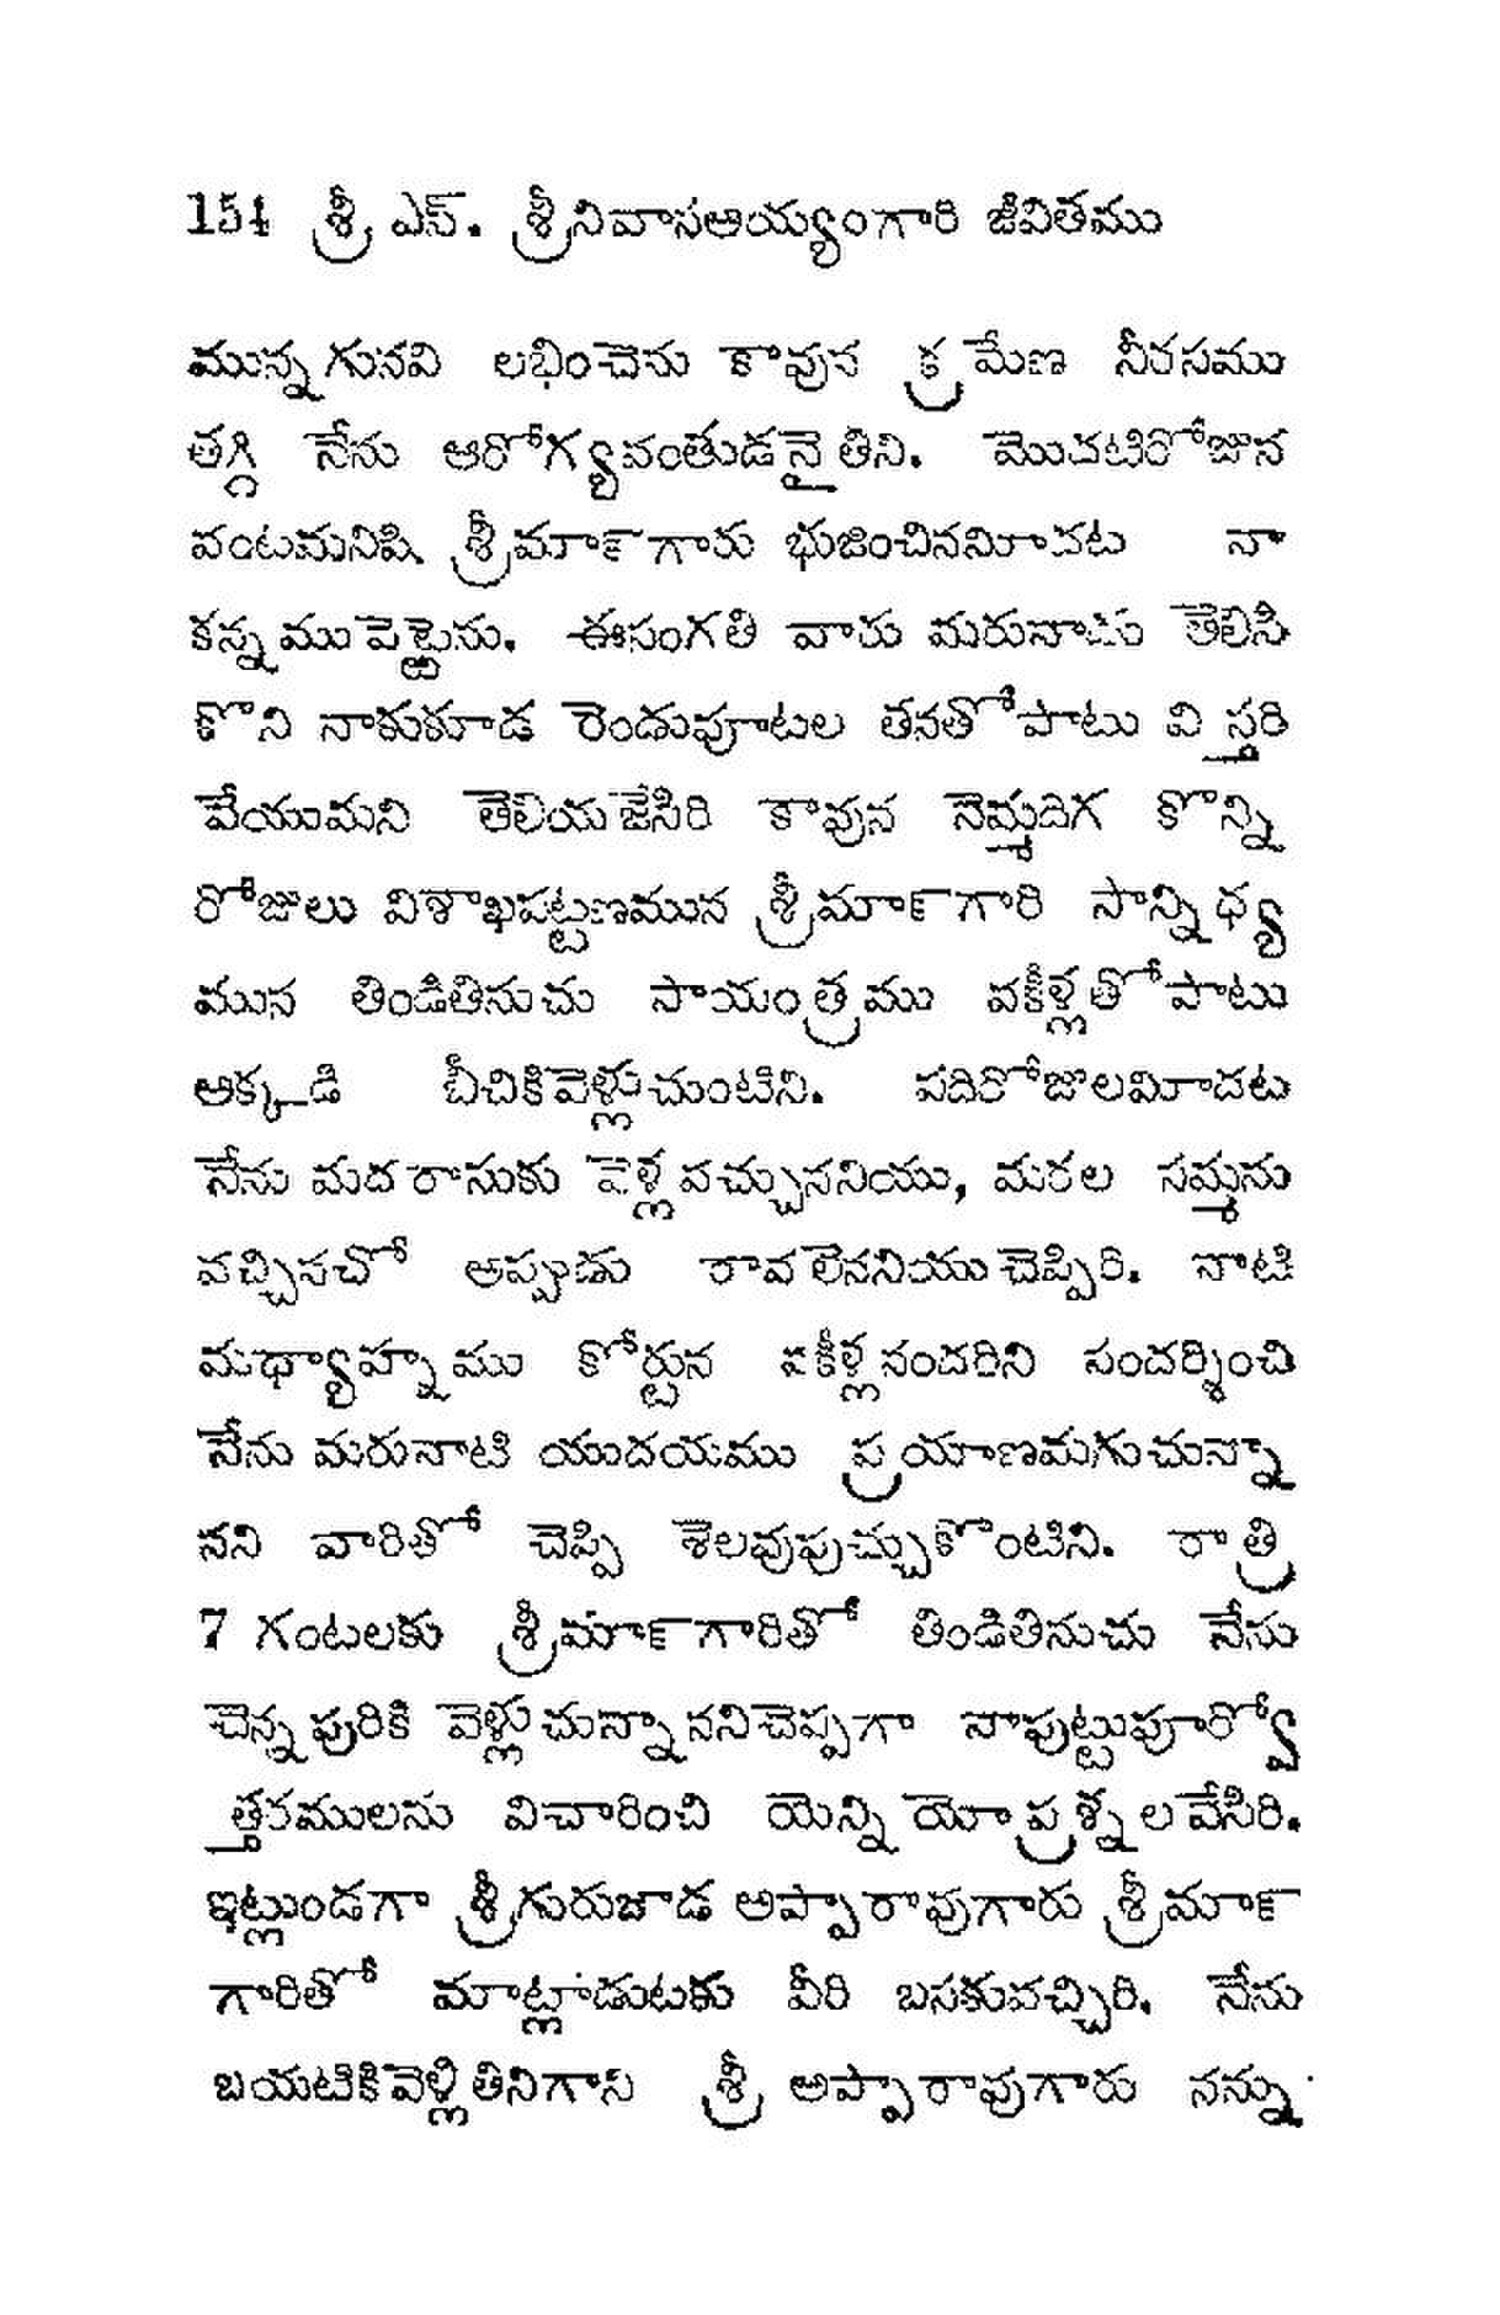మున్నగునవి లభించెను కావున క్రమేణ నీరసము తగ్గి నేను ఆరోగ్యవంతుడనైతిని. మొదటిరోజున వంటమనిషి శ్రీమా౯గారు భుజించినమీదట నా కన్నముపెట్టెను. ఈసంగతి వారు మరునాడు తెలిసికొని నాకుకూడ రెండుపూటల తనతోపాటు విస్తరి
వేయుమని తెలియజేసిరి కావున నెమ్మదిగ కొన్ని రోజులు విశాఖపట్టణమున శ్రీమా౯గారి సాన్నిధ్యమున తిండితినుచు సాయంత్రము వకీళ్లతోపాటు అక్కడి బీచికి వెళ్లుచుంటిని. పదిరోజులమీదట నేను మదరాసుకు వెళ్లవచ్చుననియు, మరల సమ్మను వచ్చినచో అప్పుడు రావలెననియు చెప్పిరి. నాటి మధ్యాహ్నము కోర్టున వికీళ్లనందరిని సందర్శించి నేను మరునాటి యుదయము ప్రయాణమగుచున్నానని వారితో చెప్పి శెలవుపుచ్చుకొంటిని. రాత్రి 7 గంటలకు శ్రీమా౯గారితో తిండితినుచు నేను చెన్నపురికి వెళ్లుచున్నాననిచెప్పగా నొపుట్టుపూర్వోత్తరములను విచారించి యెన్నియోప్రశ్నలవేసిరి. ఇట్లుండగా శ్రీగురుజాడ అప్పారావుగారు శ్రీమా౯గారితో మాట్లాడుటకు వీరి బసకువచ్చిరి. నేను బయటికివెళ్లితినిగాని శ్రీ అప్పారావుగారు నన్ను